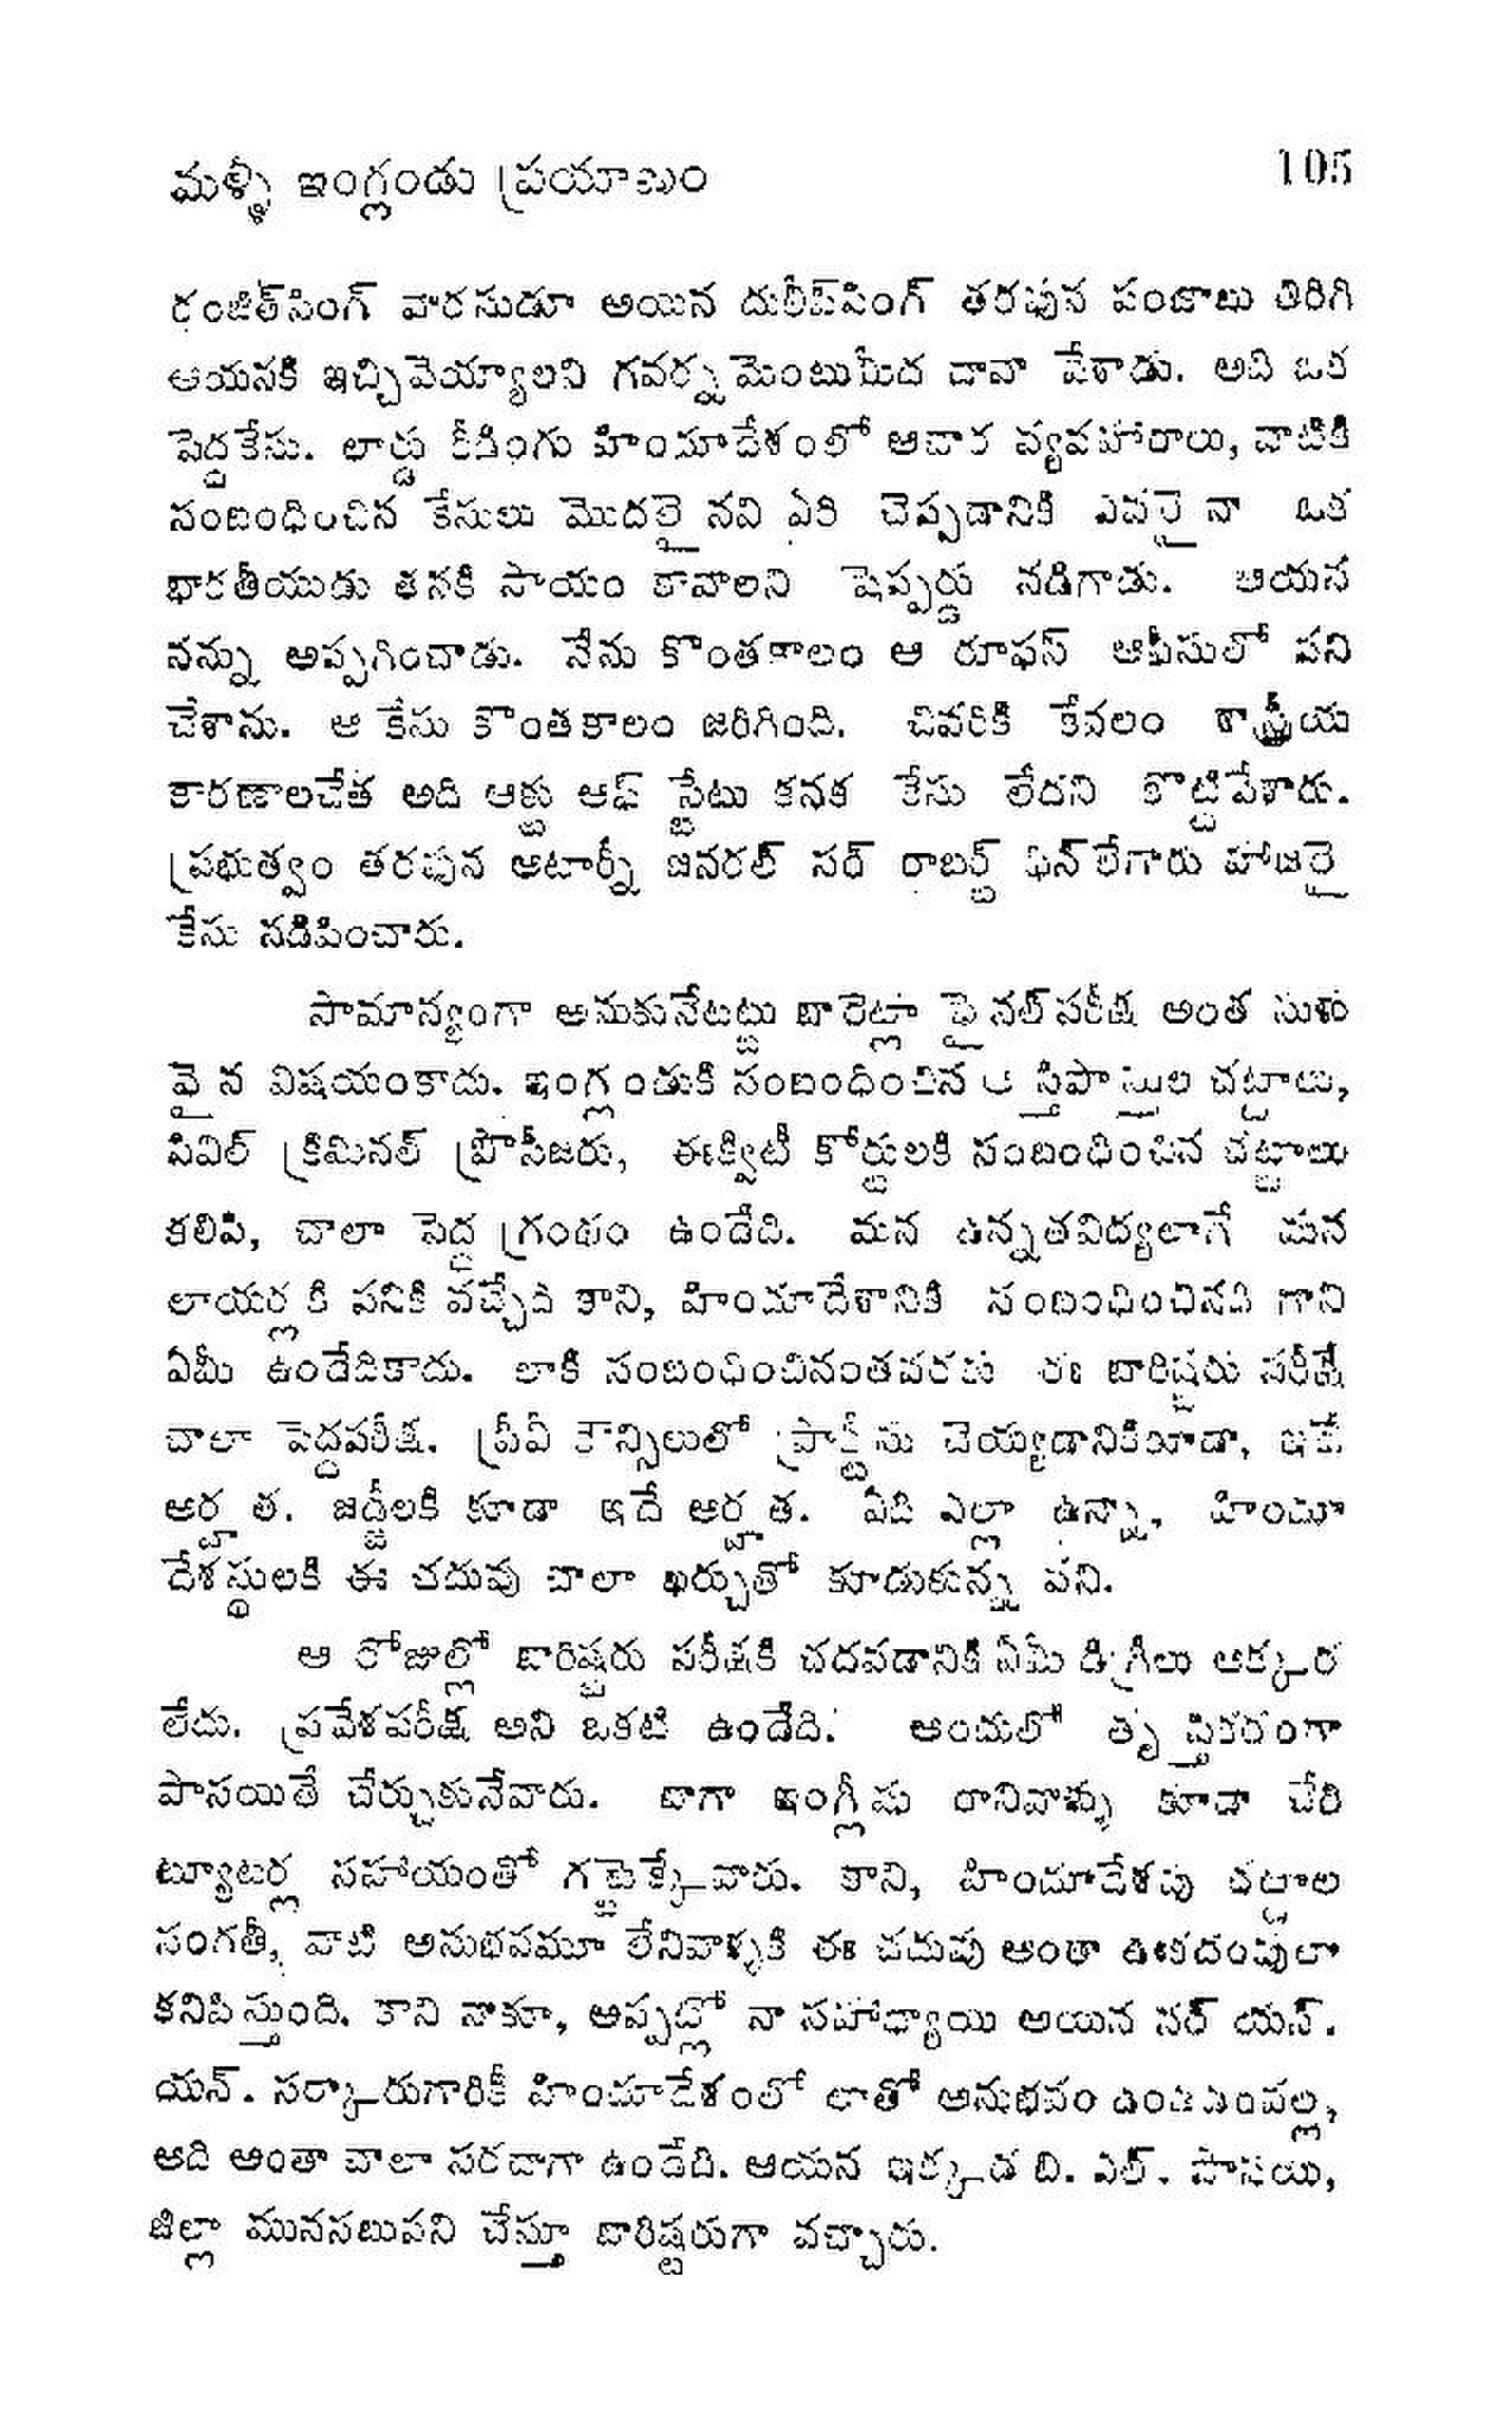రంజిత్‌సింగ్ వారసుడూ అయిన దులీప్‌సింగ్ తరపున పంజాబు తిరిగి ఆయనకి ఇచ్చివెయ్యాలని గవర్నమెంటుమీద దావా వేశాడు. అది ఒక పెద్దకేసు. లార్డు రీడింగు హిందూదేశంలో ఆచార వ్యవహారాలు, వాటికి సంబంధించిన కేసులు మొదలైనవి ఏరి చెప్పడానికి ఎవరైనా ఒక భారతీయుడు తనకి సాయం కావాలని షెప్పర్డు నడిగాడు. ఆయన నన్ను అప్పగించాడు. నేను కొంతకాలం ఆ రూఫస్ ఆఫీసులో పనిచేశాను. ఆ కేసు కొంతకాలం జరిగింది. చివరికి కేవలం శాస్త్రీయ కారణాలచేత అది ఆక్టు ఆఫ్ స్టేటు కనక కేసు లేదని కొట్టివేశారు. ప్రభుత్వం తరపున అటార్నీ జనరల్ సర్ రాబర్ట్ ఫిన్‌లేగారు హాజరై కేసు నడిపించారు.

సామాన్యంగా అనుకునేటట్టు బారెట్లా ఫైనల్‌పరీక్ష అంత సుళువైన విషయంకాదు. ఇంగ్లండుకి సంబంధించిన ఆస్తిపాస్తుల చట్టాలు, సివిల్ క్రిమినల్ ప్రొసీజరు, ఈక్విటీ కోర్టులకి సంబంధించిన చట్టాలు కలిపి, చాలా పెద్ద గ్రంథం ఉండేది. మన ఉన్నత విద్యలాగే మన లాయర్లకి పనికి వచ్చేది కాని, హిందూదేశానికి సంబంధించినది గాని ఏమీ ఉండేదికాదు. లాకి సంబంధించిన వరకు ఈ బారిష్టరు పరీక్షే చాలా పెద్దపరీక్ష. ప్రీవీ కౌన్సిలులో ప్రాక్టీసు చెయ్యడానికికూడా, ఇదే అర్హత. జడ్జీలకి కూడా ఇదే అర్హత. ఏది ఎల్లా ఉన్నా, హిందూ దేశస్థులకి ఈ చదువు చాలా ఖర్చుతో కూడుకున్న పని.

ఆ రోజుల్లో బారిష్టరు పరీక్షకి చదవడానికి ఏమి డిగ్రీలు అక్కర లేదు. ప్రవేశపరీక్ష అని ఒకటి ఉండేది. అందులో తృప్తికరంగా పాసయితే చేర్చుకునేవారు. బాగా ఇంగ్లీషు రానివాళ్ళు కూడా చేరి ట్యూటర్ల సహాయంతో గట్టెక్కేవారు. కాని, హిందూదేశపు చట్టాల సంగతీ, వాటి అనుభవమూ లేనివాళ్ళకి ఈ చదువు అంతా ఊకదంపులా కనిపిస్తుంది. కాని నాకూ, అప్పట్లో నా సహాధ్యాయి అయిన సర్ యస్. యన్. సర్కారుగారికీ హిందూదేశంలో లాతో అనుభవం ఉండడంవల్ల, అది అంతా చాలా సరదాగా ఉండేది. ఆయన ఇక్కడ బి. ఎల్. పాసయి, జిల్లా మునసబుపని చేస్తూ బారిష్టరుగా వచ్చారు.